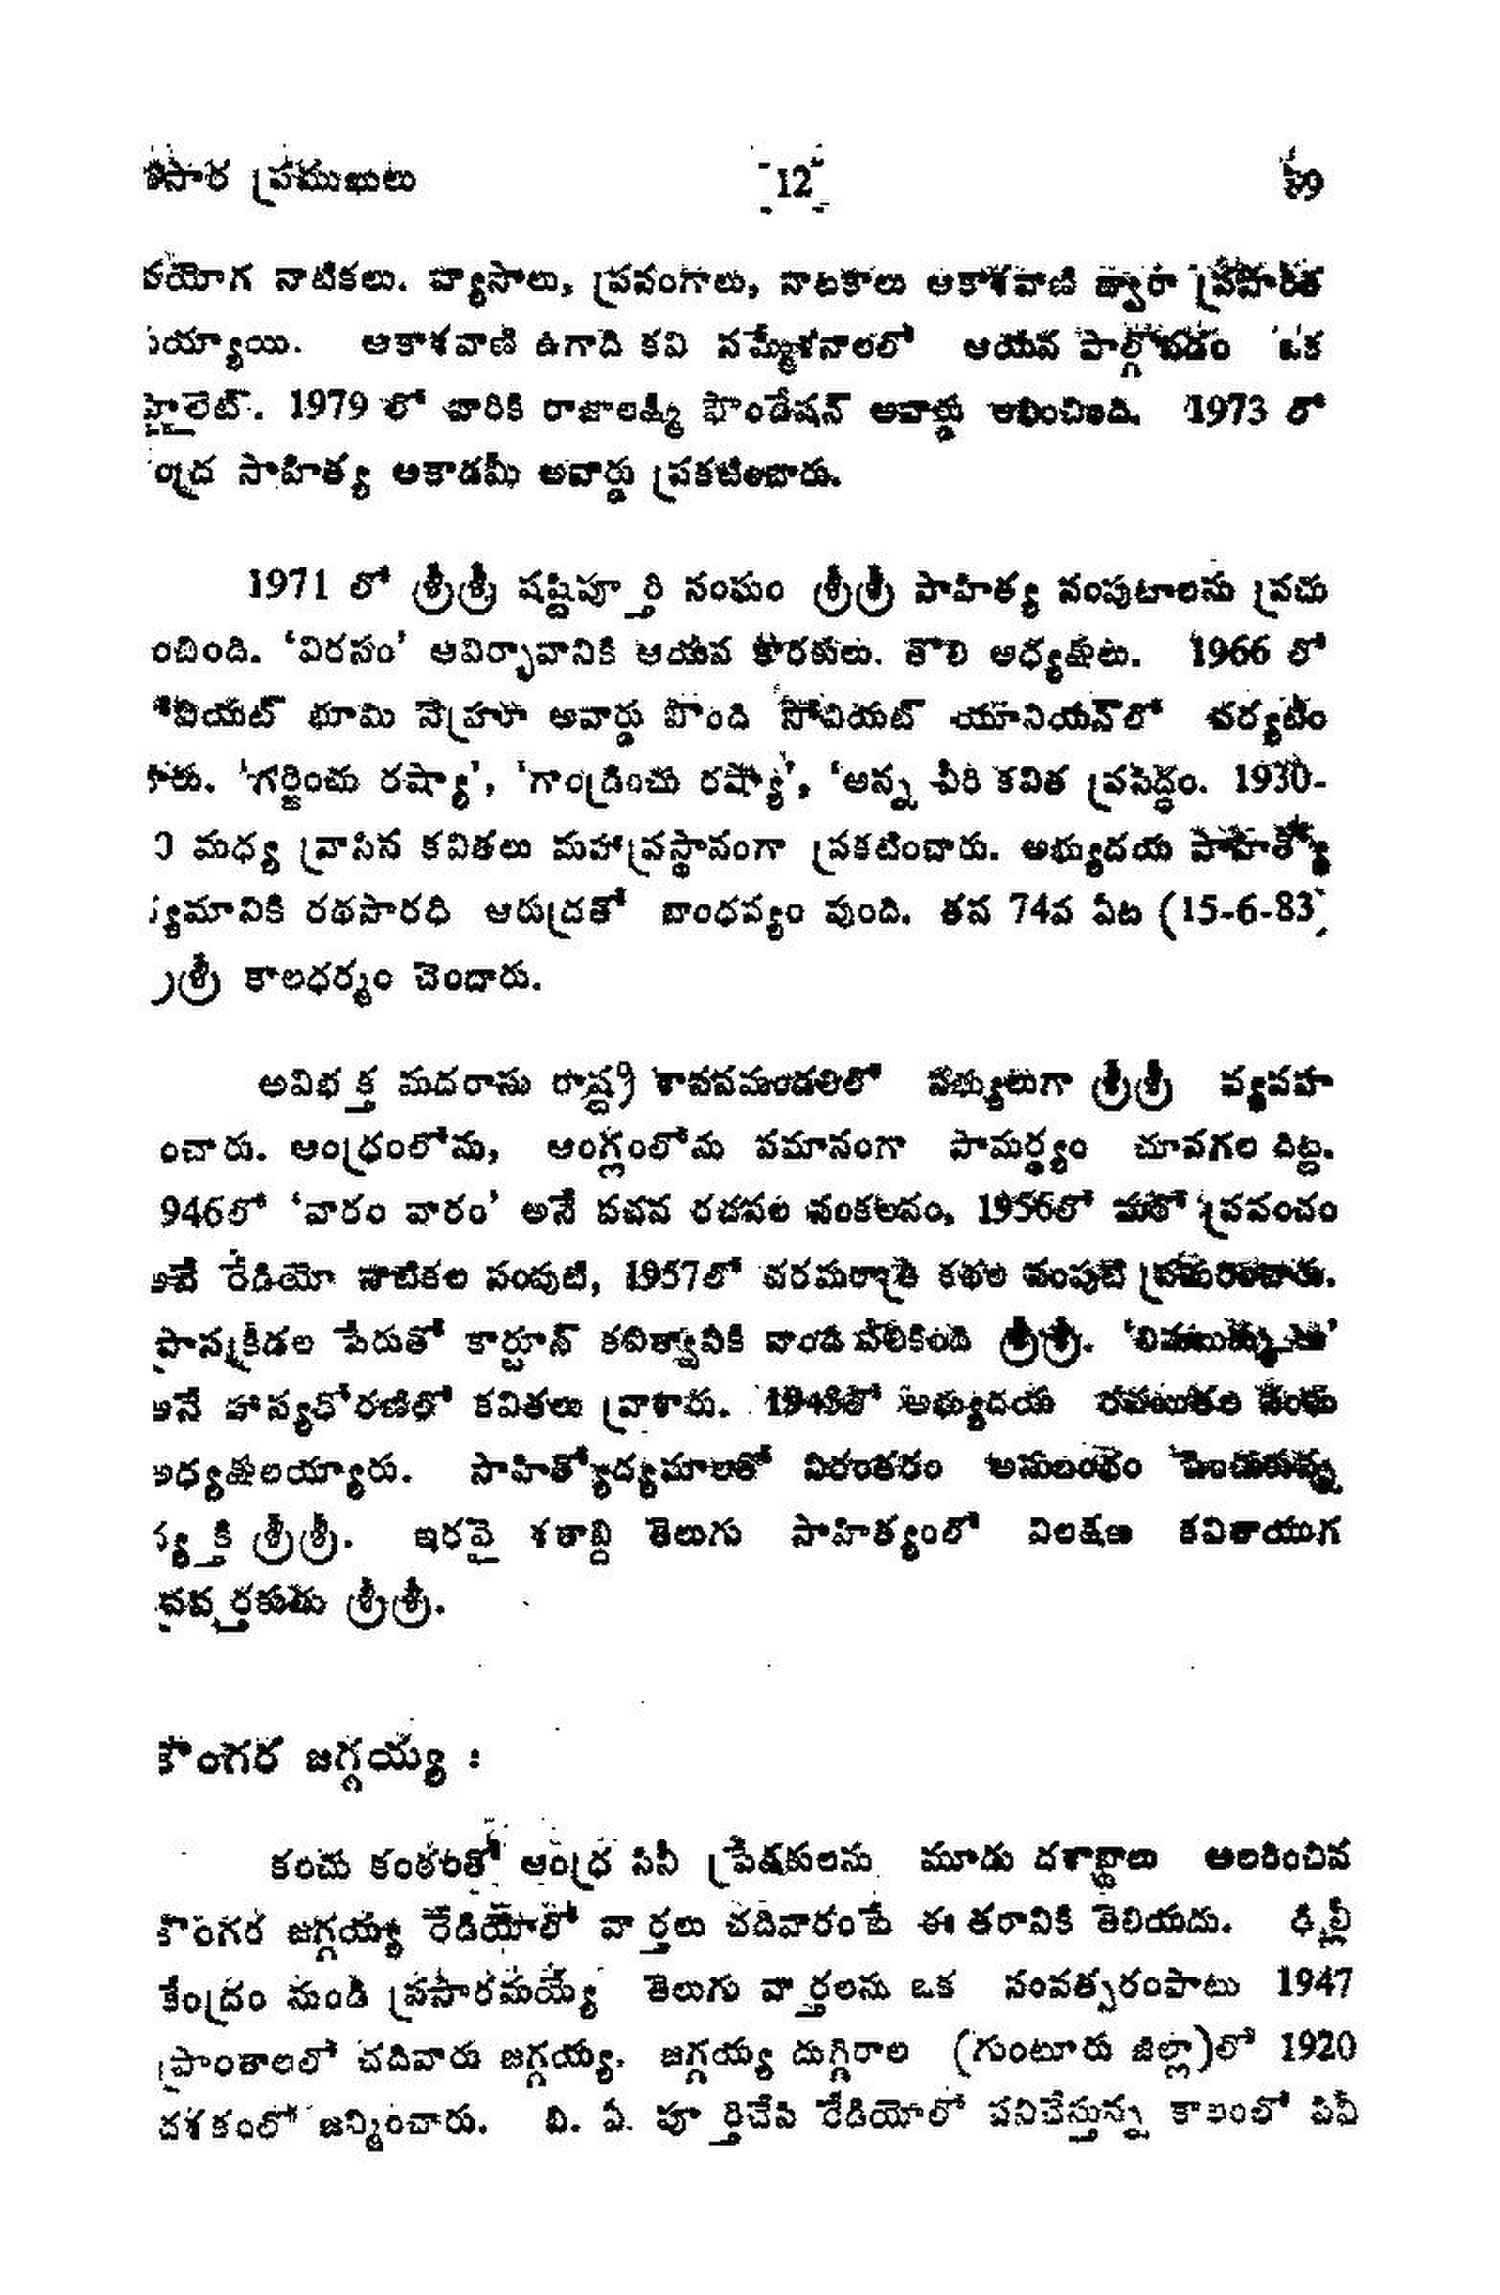గయోగ నాటికలు, వ్యాసాలు, ప్రసంగాలు, నాటకాలు ఆకాశవాణి ద్వారా ప్రహరితమయ్యాయి. ఆకాశవాణి ఉగాది కవి సమ్మేళనాలలో ఆయన పాల్గొనడం ఒక హైలైట్. 1979 లో వారికి రాజాలక్ష్మి ఫౌండేషన్ అవార్డు లభించింది. 1973లో ఆంధ్ర సాహిత్య అకాడమీ అవార్డు ప్రకటించారు.

1971 లో శ్రీశ్రీ షష్టిపూర్తి సంఘం శ్రీశ్రీ సాహిత్య సంపుటాలను ప్రచురించింది. 'విరసం' ఆవిర్భావానికి ఆయన కారకులు. తొలి అధ్యక్షులు. 1966 లో సోవియట్ భూమి నెహ్రూ అవార్డు పొంది సోవియట్ యూనియన్‌లో పర్యటించారు. 'గర్జించు రష్యా', అన్న వీరి కవిత ప్రసిద్ధం. 1930-33 మధ్య వ్రాసిన కవితలు మహాప్రస్థానంగా ప్రకటించారు. అభ్యుదయ సాహిత్యో ఉద్యమానికి రథసారది ఆరుద్రతో బాంధవ్యం వుంది. తన 74వ ఏట (15-6-83) శ్రీశ్రీ కాలధర్మం చెందారు.

అవిభక్త మదరాసు రాష్ట్ర శాసనమండలిలో సభ్యులుగా శ్రీశ్రీ వ్యవహరించారు. ఆంధ్రంలోను, ఆంగ్లంలోను సమానంగా సామర్థ్యం చూపగల దిట్ట. 1946లో 'వారం వారం' అనే వచన రచనల సంకలనం, 1956లో మరో ప్రపంచం ఇవే రేడియో నాటికల సంపుటి. 1957లో చరమరాత్రి కథల సంపుటి ప్రచురించారు. ప్రానక్రీడల పేరుతో కార్టూన్ కవిత్వానికి నాంది పలికింది శ్రీశ్రీ ------- అనే హాస్యధోరణిలో కవితలు వ్రాశారు. 1943లో అభ్యుదయ రచయితల సంఘ అధ్యక్షులయ్యారు. సాహిత్యోద్యమాలతో నిరంతరం అనుబంధం పెంచుకున్న వ్యక్తి శ్రీశ్రీ. ఇరవై శతాబ్ది తెలుగు సాహిత్యంలో విలక్షణ కవితాయుగ ప్రవర్తకుడు శ్రీశ్రీ.

కంచు కంఠంతో ఆంధ్ర సినీ ప్రేక్షకులను మూడు దశాబ్దాలు అలరించిన కొంగర జగ్గయ్య రేడియోలో వార్తలు చదివారంటే ఈ తరానికి తెలియదు. ఢిల్లీ కేంద్రం నుండి ప్రసారమయ్యే తెలుగు వార్తలను ఒక సంవత్సరంపాటు 1947 ప్రాంతాలలో చదివారు జగ్గయ్య. జగ్గయ్య దుగ్గిరాల (గుంటూరు జిల్లా) లో 1920 దశకంలో జన్మించారు. బి.ఏ. పూర్తిచేసి రేడియోలో పనిచేస్తున్న కాలంలో సినీ